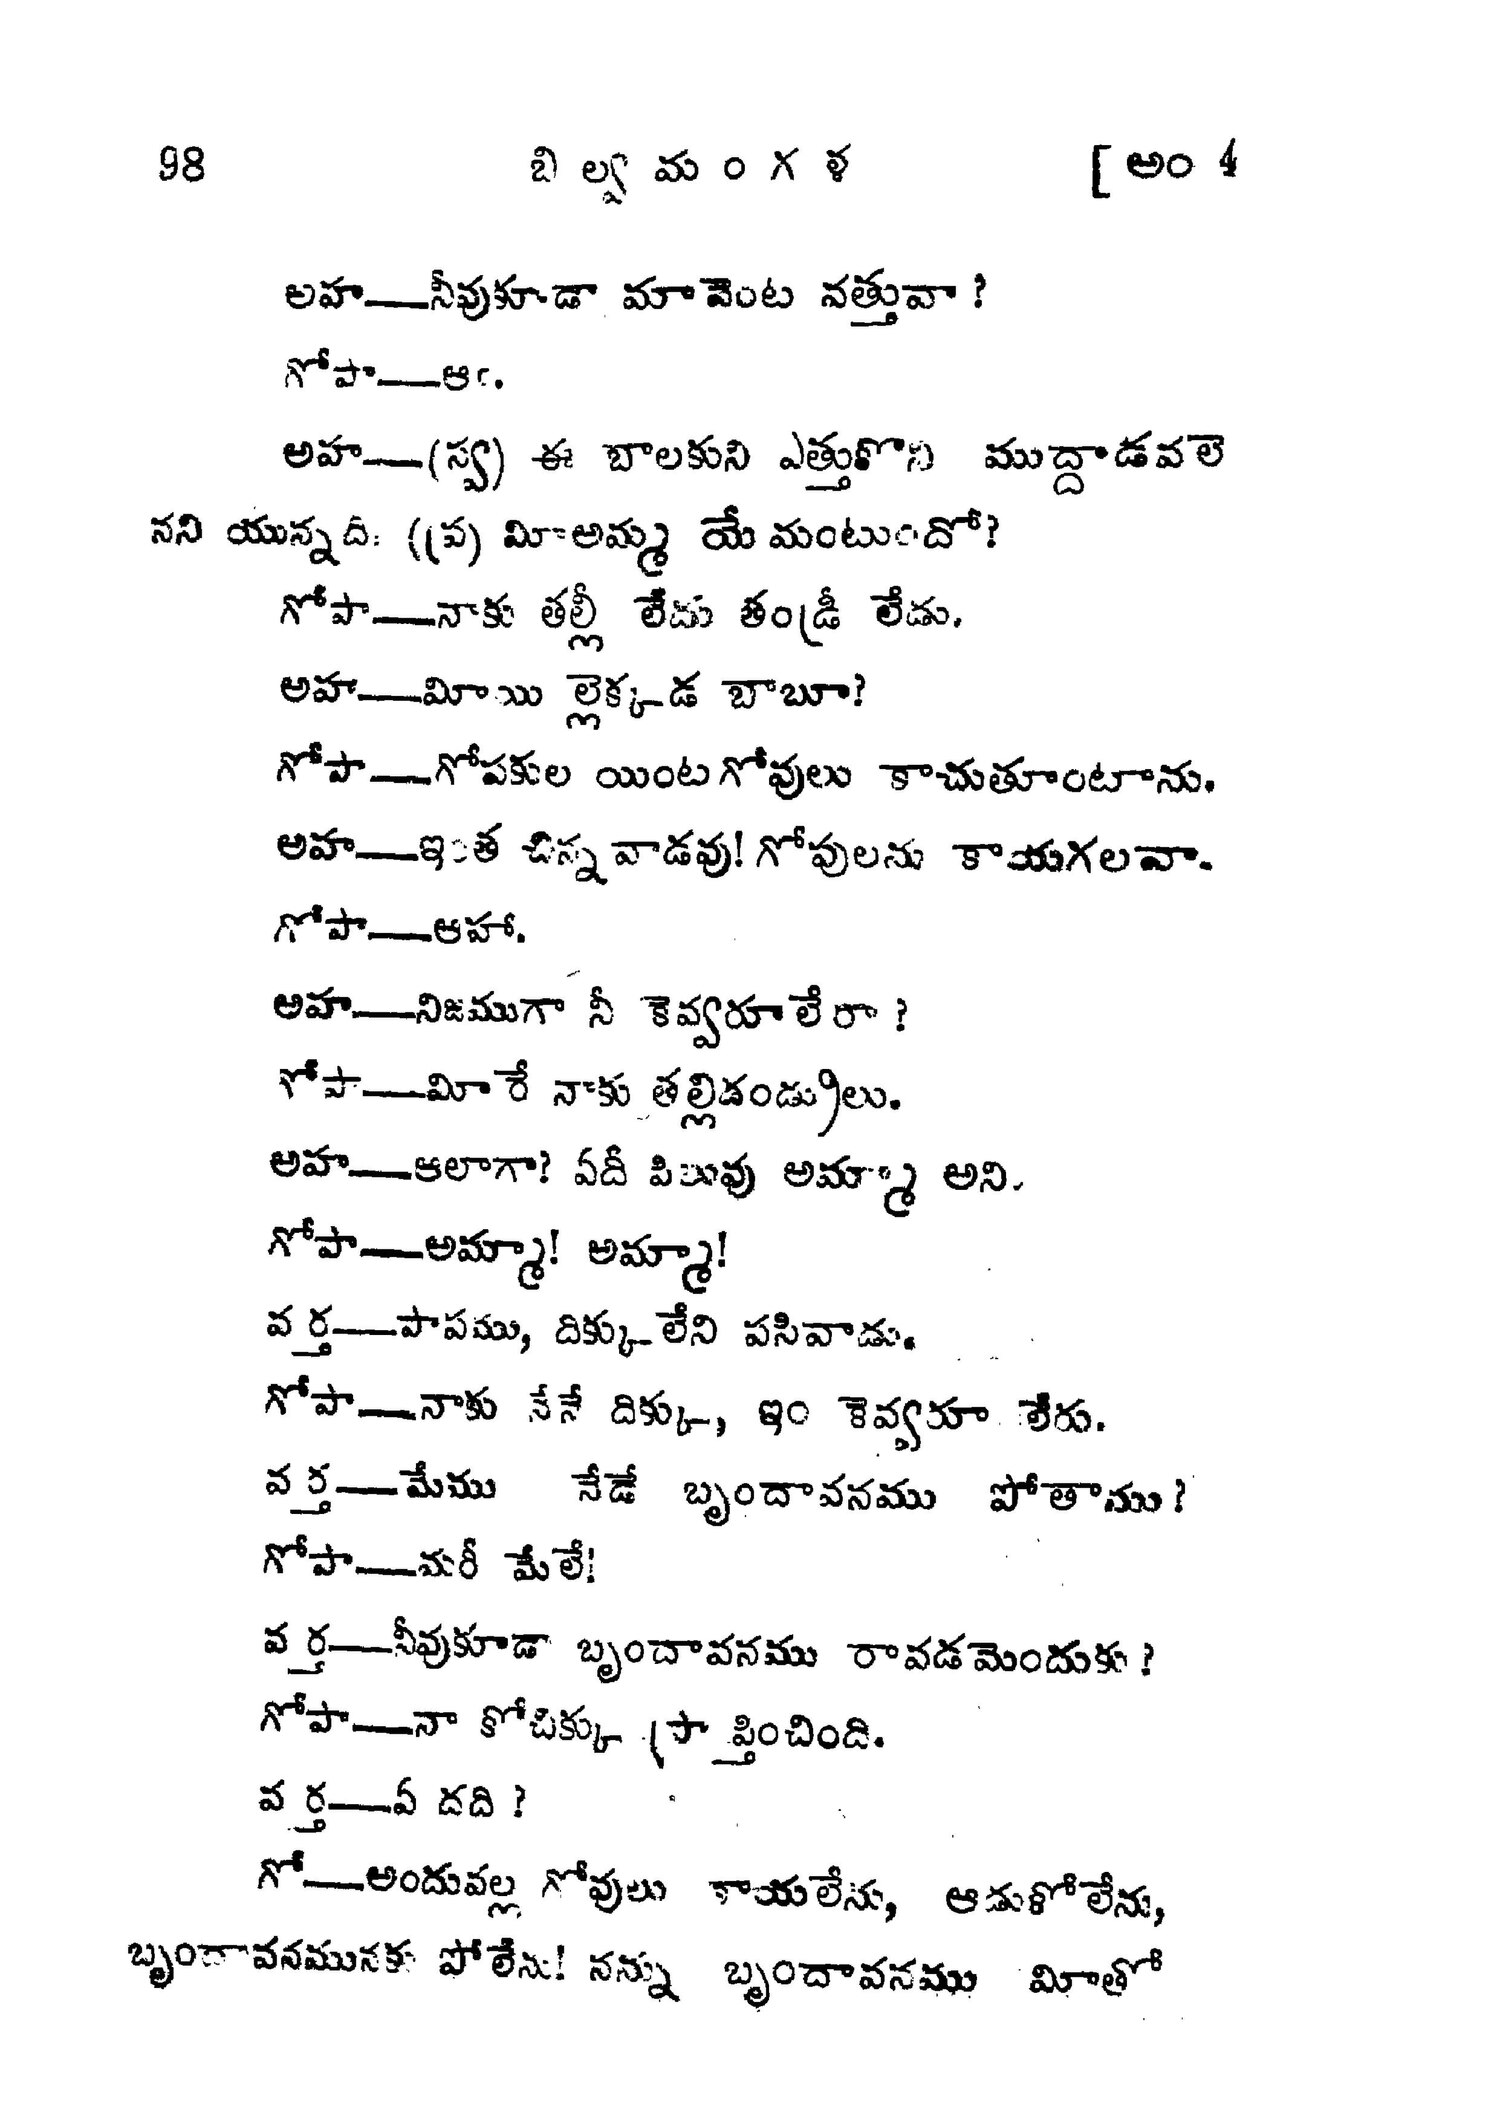అహ - నీవుకూడా మావెంట వత్తువా ?

గోపా - ఆఁ.

అహ - (స్వ) ఈ బాలకుని ఎత్తుకొని ముద్దాడవలెనని యున్నది. (ప్ర) మీఅమ్మ యే మంటుందో?

గోపా - నాకు తల్లీ లేదు తండ్రీ లేడు.

అహ - మీయి ల్లెక్కడ బాబూ?

గోపా - గోపకుల యింటగోవులు కాచుతూంటాను.

అహ - ఇంత చిన్నవాడవు! గోవులను కాయగలవా.

గోపా - ఆహా.

అహ - నిజముగా నీ కెవ్వరూలేరా?

గోపా - మీరే నాకు తల్లిదండ్రులు.

అహ - ఆలాగా? ఏదీ పిలువు అమ్మా అని.

గోపా - అమ్మా! అమ్మా!

వర్త - పాపము, దిక్కులేని పసివాడు.

గోపా - నాకు నేనే దిక్కు, ఇం కెవ్వరూ లేరు.

వర్త - మేము నేడే బృందావనము పోతాము?

గోపా - మరీ మేలే!

వర్త - నీవుకూడా బృందావనము రావడమెందుకు?

గోపా - నా కోచిక్కు ప్రాప్తించింది.

వర్త - ఏ దది?

గో - అందువల్ల గోవులు కాయలేను, ఆడుకోలేను, బృందావనమునకు పోలేను! నన్ను బృందావనము మీతో